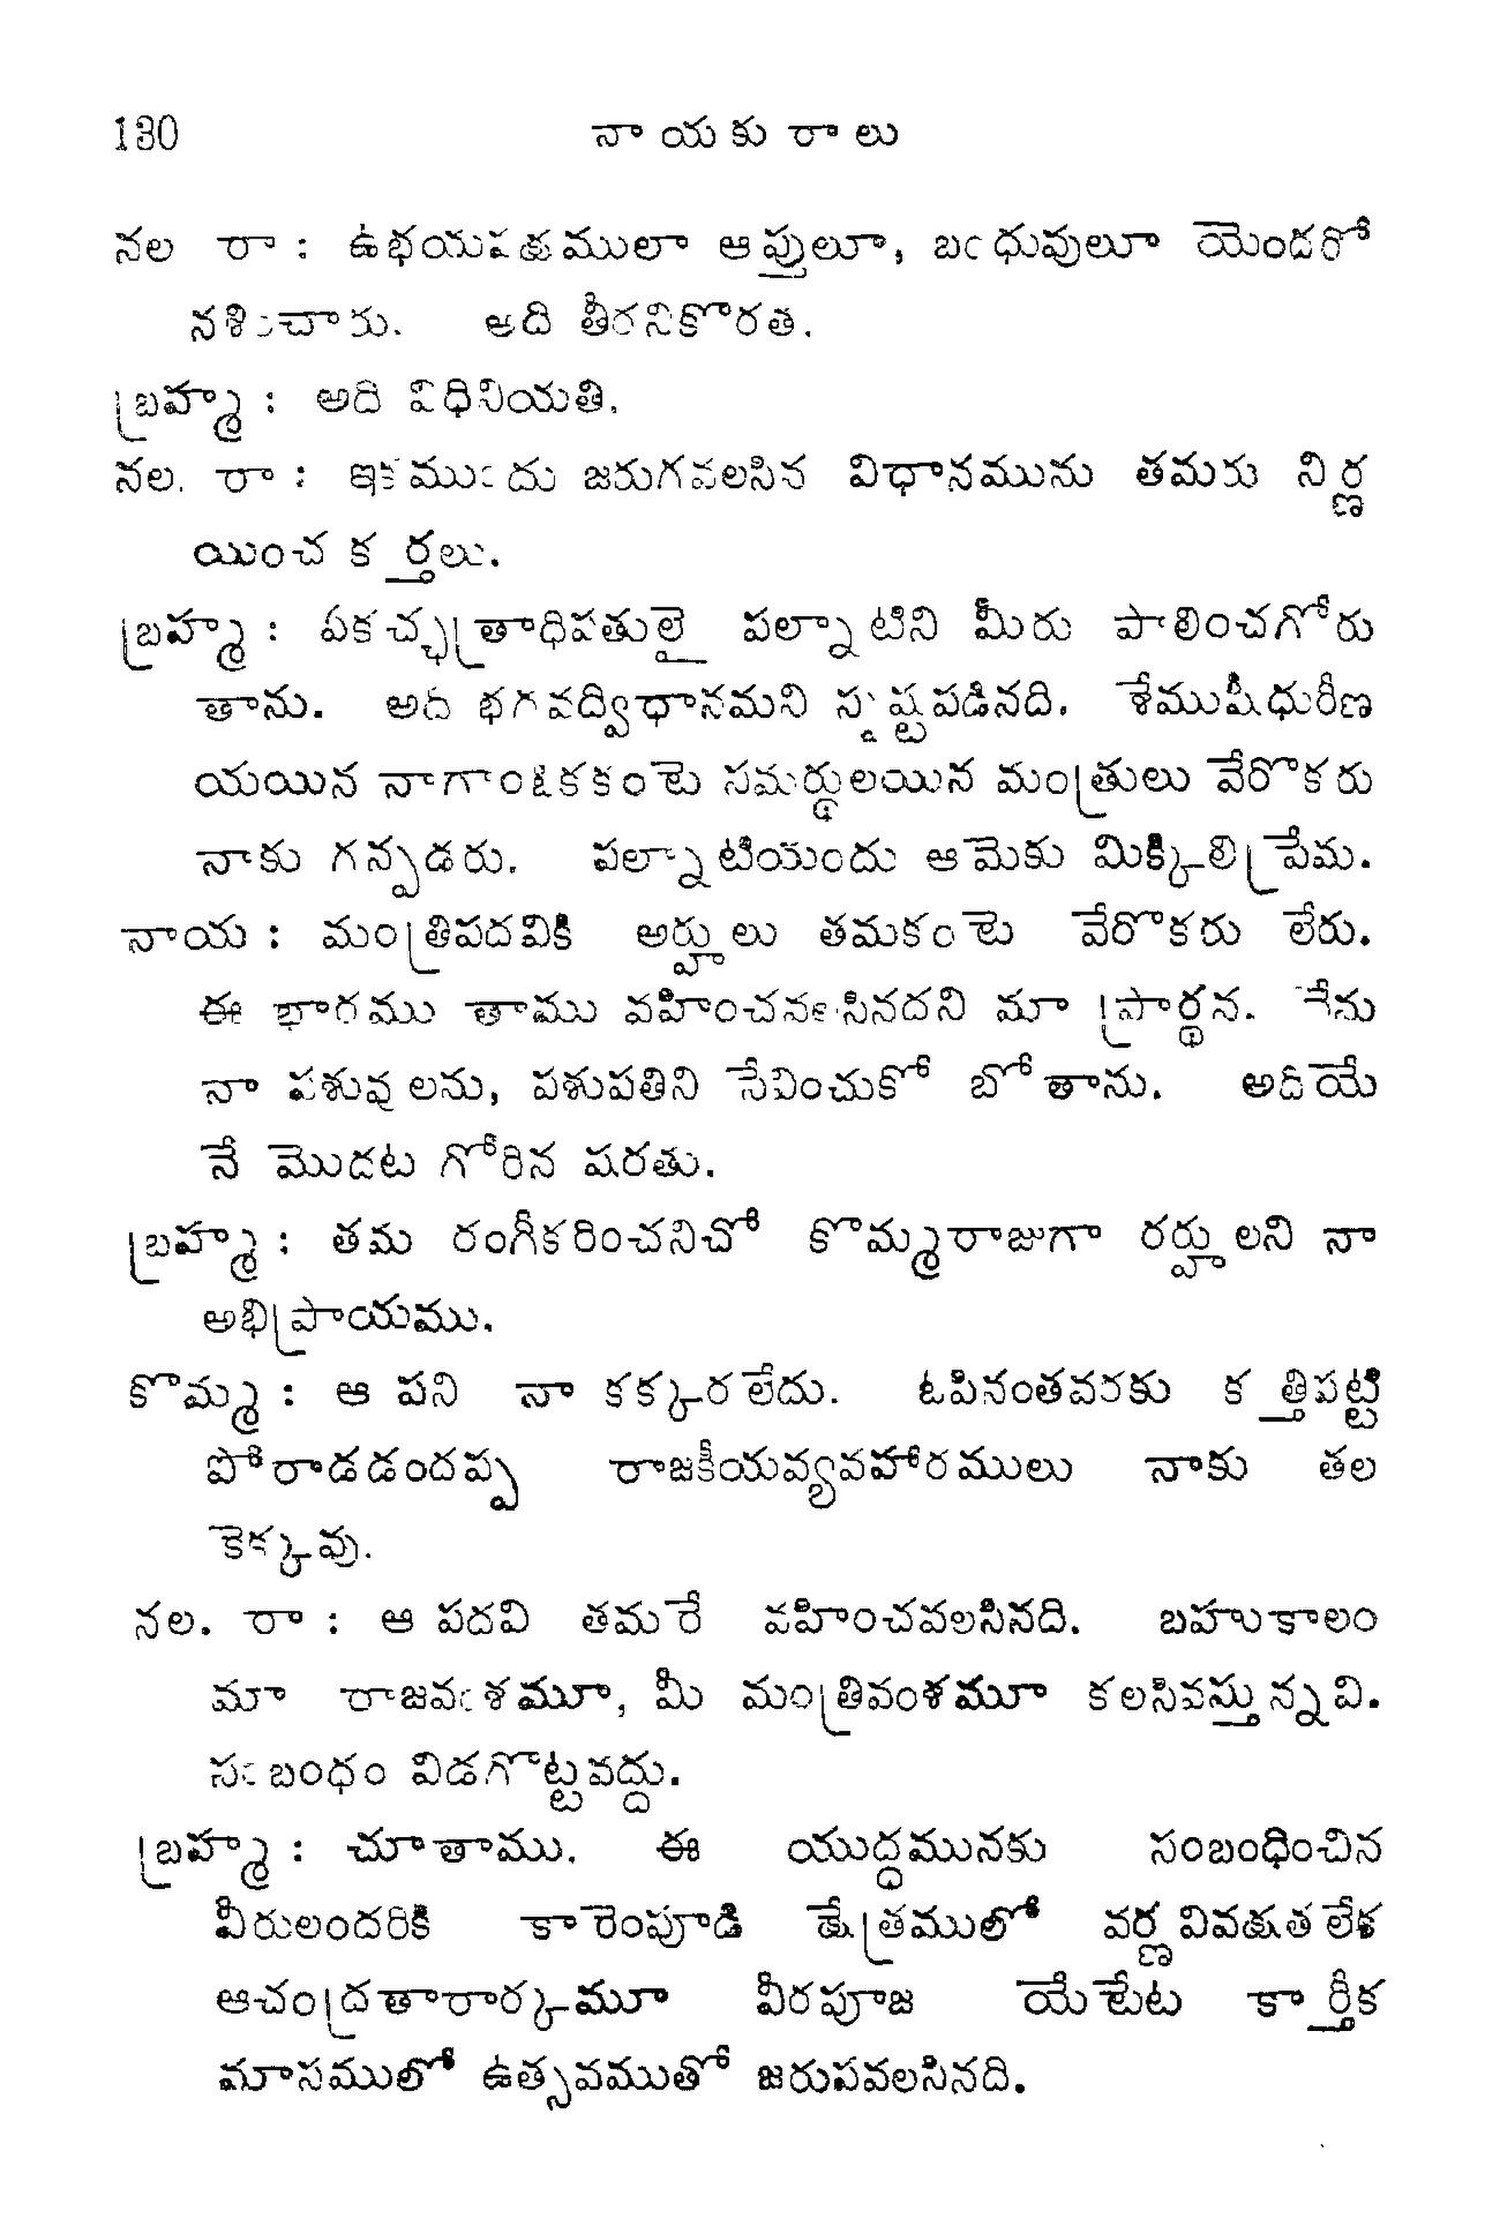నల. రా : ఉభయపక్షములా ఆప్తులూ, బంధువులూ యెందరో నశించారు. అది తీరనికొరత.

బ్రహ్మ: అది విధినియతి,

నల. రా : ఇకముందు జరుగవలసిన విధానమును తమరు నిర్ణయించ కర్తలు.

బ్రహ్మ : ఏకచ్ఛత్రాధిపతులై పల్నాటిని మీరు పాలించగోరుతాను. అది భగవద్విధానమని స్పష్టపడినది. శేముషీధురీణ యయిన నాగాంబికకంటె సమర్థులయిన మంత్రులు వేరొకరు నాకు గన్పడరు. పల్నాటియందు ఆమెకు మిక్కిలిప్రేమ.

నాయ : మంత్రిపదవికి అర్హులు తమకంటె వేరొకరు లేరు. ఈ భారము తాము వహించవలసినదని మా ప్రార్థన. నేను నా పశువులను, పశుపతిని సేవించుకో బోతాను. అదియే నే మొదట గోరిన షరతు.

బ్రహ్మ : తమ రంగీకరించనిచో కొమ్మరాజుగా రర్హులని నా అభిప్రాయము.

కొమ్మ : ఆ పని నా కక్కర లేదు. ఓపినంతవరకు కత్తిపట్టి పోరాడడందప్ప రాజకీయవ్యవహారములు నాకు తల కెక్కవు.

నల. రా : ఆ పదవి తమరే వహించవలసినది. బహుకాలం మా రాజవంశమూ, మీ మంత్రివంశమూ కలసివస్తున్నవి. సంబంధం విడగొట్టవద్దు.

బ్రహ్మ : చూతాము. ఈ యుద్ధమునకు సంబంధించిన వీరులందరికి కారెంపూడి క్షేత్రములో వర్ణ వివక్షతలేక ఆచంద్రతారార్కమూ వీరపూజ యేటేట కార్తీక మాసములో ఉత్సవముతో జరుపవలసినది.